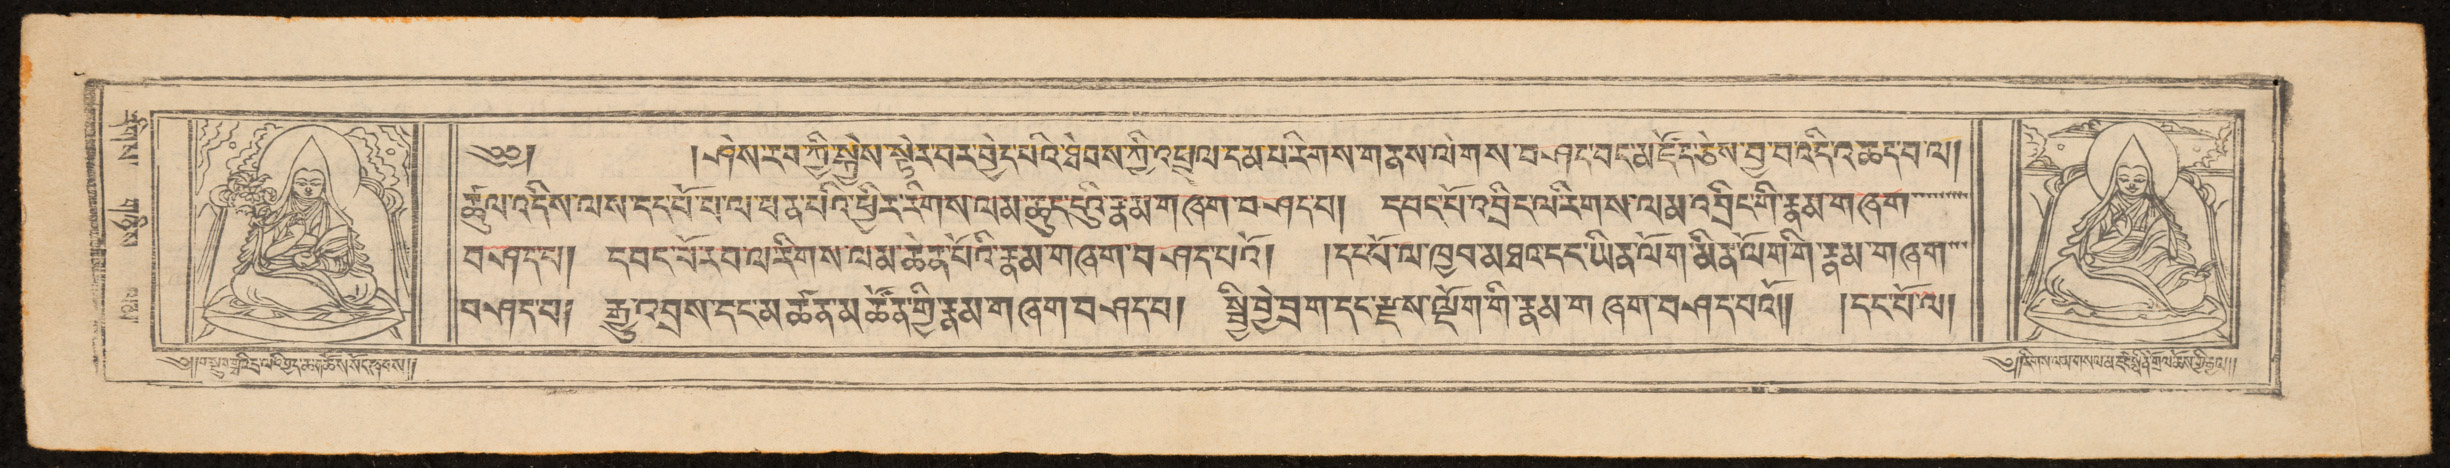༄༅། །ཤེས་རབ་ཀྱི་སྐྱེས་སྟེར་བར་བྱེད་པའི་ཐབས་ཀྱི་འཕྲུལ་དམ་པ་རིགས་གནས་ལེགས་བཤད་བང་མཛོད་ཅེས་བྱ་བ་འདི་འཆད་པ་ལ།
ཚུལ་འདིས་ལས་དང་པོ་པ་ལ་ཕན་པའི་ཕྱིར་རིགས་ལམ་ཆུང་ངུའི་རྣམ་གཞག་བཤད་པ། དབང་པོ་འབྲིང་ལ་རིགས་ལམ་འབྲིང་གི་རྣམ་གཞག་
བཤད་པ། དབང་པོ་རབ་ལ་རིགས་ལམ་ཆེན་པོའི་རྣམ་གཞག་བཤད་པའོ། །དང་པོ་ལ་ཁྱབ་མཐའ་དང་ཡིན་ལོག་མིན་ལོག་གི་རྣམ་གཞག་
བཤད་པ། རྒྱུ་འབྲས་དང་མཚན་མཚོན་གྱི་རྣམ་གཞག་བཤད་པ། སྤྱི་བྱེ་བྲག་དང་རྫས་ལྡོག་གི་རྣམ་གཞག་བཤད་པའོ། །དང་པོ་ལ།